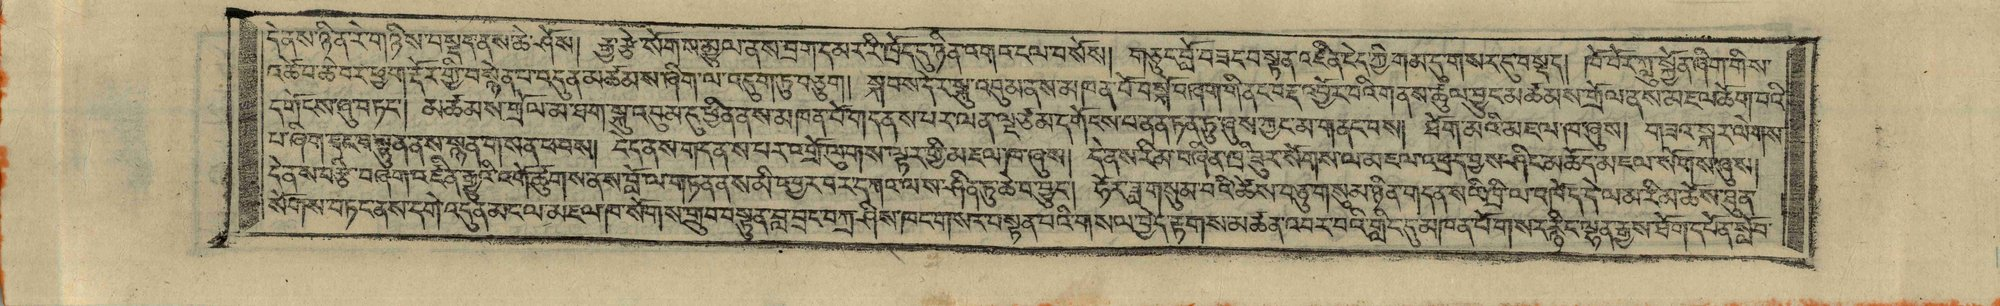དེ་ནས་ཉིན་རེ་གཉིས་བསྡད་ནས་ཆེ་ཤོས། རྒྱ་རྩེ་སོགས་མྱུལ་ནས་བྲག་དམར་རི་ཁྲོད་དུ་ཉིན་འགའ་ངལ་བསོས། གཅུང་བློ་བཟང་བསྟན་འཛིན་ངེད་ཀྱི་གམ་དུ་གསར་དུ་བསྡད། ཁོ་བོར་ཀླུ་སྐྱོན་ཞིག་གིས་
འཚེ་བ་ཆེ་བར་ཕྱག་རྡོར་གྱི་བསྙེན་པ་བདུན་མཚམས་ཞིག་ལ་འདུག་ཏུ་བཅུག །སྐབས་དེར་སྐུ་འབུམ་ནས་མཁན་པོ་བསྐོ་བཞག་གི་ནང་བརྡ་འབྱོར་བའི་གནས་ཚུལ་བྱུང་མཚམས་གྲོལ་ནས་མཇལ་ཆོག་པའི་
དགོངས་ཞུ་བཏང་། མཚམས་གྲོལ་མ་ཐག་སྐུ་འབུམ་དུ་ཕྱིན་ནས་མཁན་པོ་གདན་ས་པར་ལན་ལྔ་ཙམ་དགོངས་པ་ནན་ཏན་ཏུ་ཞུས་ཀྱང་མ་གནང་བས། ཐོག་མའི་མཇལ་ཁ་ཞུས། གཟའ་སྐར་ལེགས་
པ་ཞིག་དང་བསྟུན་ནས་སྙན་གསན་ཕབས། ངེད་ནས་གདན་ས་པར་འགྲོ་ལུགས་ལྟར་གྱི་མཇལ་ཁ་ཞུས། དེ་ནས་རིམ་བཞིན་ཁྲི་ཟུར་སོགས་ལ་མཇལ་འཕྲད་བྱས་ཤིང་མཆོད་མཇལ་སོགས་ཞུས།
དེ་ནས་བརྩི་བཞག་འཛིན་རྒྱུའི་འགོ་ཚུགས་ནས་བློ་ལ་གཏན་ནས་མི་འབྱར་བར་དཀའ་ལས་ཤིན་ཏུ་ཆེ་བ་བྱུང་། ཧོར་ཟླ་གསུམ་པའི་ཚེས་བཅུ་གསུམ་ཉིན་གདན་སའི་ཁྲི་ལ་འཁོད་དེ་ལམ་རིམ་ཆོས་ཐུན་
སོགས་བཏང་ནས་དགེ་འདུན་མང་ལ་མཇལ་ཁ་སོགས་གྲུབ་བསྟུན་བླ་བྲང་བཀྲ་ཤིས་ཁང་གསར་བསྟན་པའི་གསལ་བྱེད་རྟགས་མཚན་འབར་བའི་གླིང་དུ་མཁན་པོ་གསར་རྙིང་ལྷན་རྒྱས་ཐོག་དཔོན་སློབ་